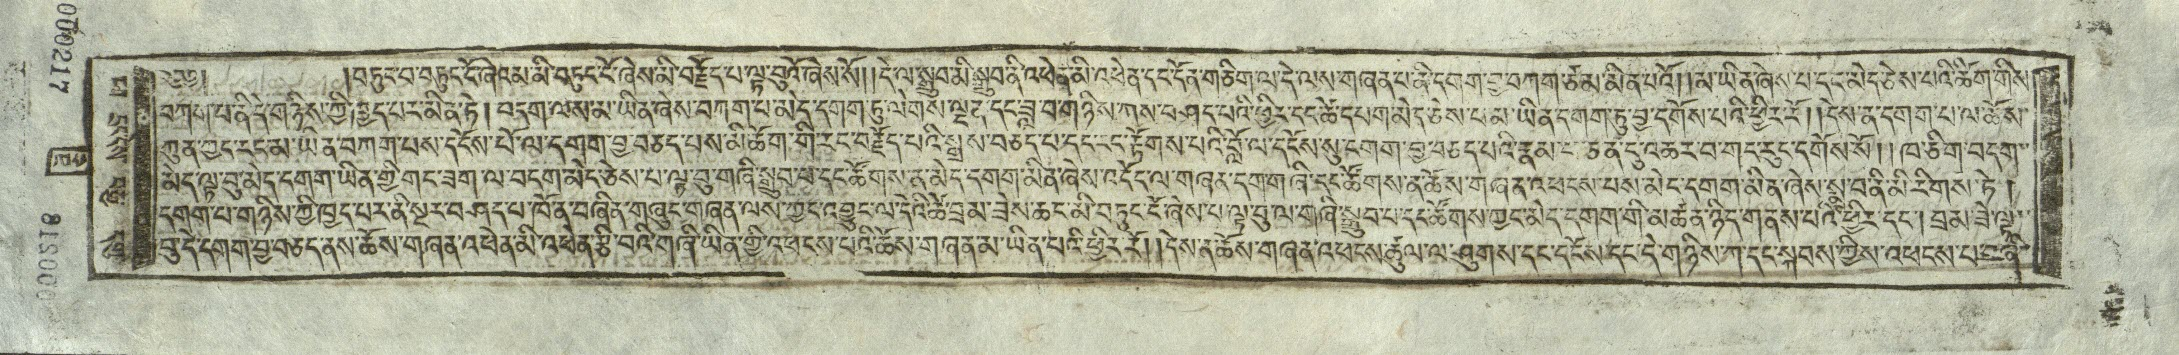༄༅། །བཏུང་བ་བཏུང་ངོ་ཞེའམ་མི་བཏུང་ངོ་ཞེས་མི་བརྗོད་པ་ལྟ་བུའོ་ཞེས་སོ། །དེ་ལ་སྒྲུབ་མི་སྒྲུབ་ནི་འཕེན་མི་འཕེན་དང་དོན་གཅིག་ལ་དེ་ལས་གཞན་པ་ནི་དགག་བྱ་བཀག་ཙམ་མིན་པའོ། །མ་ཡིན་ཞེས་པ་དང་མེད་ཅེས་པའི་ཚིག་གིས་
བཀག་པ་ནི་དེ་གཉིས་ཀྱི་ཁྱད་པར་མིན་ཏེ། བདག་ལས་མ་ཡིན་ཞེས་བཀག་པ་མེད་དགག་ཏུ་ལེགས་ལྡན་དང་ཟླ་བ་གཉིས་ཀས་བཤད་པའི་ཕྱིར་དང་ཚེ་དཔག་མེད་ཅེས་པ་མ་ཡིན་དགག་ཏུ་བྱ་དགོས་པའི་ཕྱིར་རོ། །དེས་ན་དགག་པ་ལ་ཆོས་
ཀུན་ཀྱང་རང་མ་ཡིན་བཀག་པས་དངོས་པོ་ལ་དགག་བྱ་བཅད་པས་མི་ཆོག་གི་རང་བརྗོད་པའི་སྒྲས་བཅད་པ་དང་རང་རྟོགས་པའི་བློ་ལ་དངོས་སུ་དགག་བྱ་བཅད་པའི་རྣམ་པ་ཅན་དུ་འཆར་བ་གང་རུང་དགོས་སོ། །ཁ་ཅིག་བདག་
མེད་ལྟ་བུ་མེད་དགག་ཡིན་གྱི་གང་ཟག་ལ་བདག་མེད་ཅེས་པ་ལྟ་བུ་གཞི་སྒྲུབ་པ་དང་ཚོགས་ན་མེད་དགག་མིན་ཞེས་འདོད་ལ་གཞན་དགག་ཞི་དང་ཚོགས་ན་ཆོས་གཞན་འཕངས་པས་མེད་དགག་མིན་ཞེས་སྨྲ་བ་ནི་མི་རིགས་ཏེ།
དགག་པ་གཉིས་ཀྱི་ཁྱད་པར་ནི་སྔར་བཤད་པ་ཁོ་ན་བཞིན་གཞུང་གཞན་ལས་ཀྱང་འབྱུང་ལ་དེའི་ཚེ་བྲམ་ཟེས་ཆང་མི་བཏུང་ངོ་ཞེས་པ་ལྟ་བུ་ལ་གཞི་སྒྲུབ་པ་དང་ཚོགས་ཀྱང་མེད་དགག་གི་མཚན་ཉིད་གནས་པའི་ཕྱིར་དང་། བྲམ་ཟེ་ལྟ་
བུ་དེ་དགག་བྱ་བཅད་ནས་ཆོས་གཞན་འཕེན་མི་འཕེན་རྩི་བའི་གཞི་ཡིན་གྱི་འཕངས་པའི་ཆོས་གཞན་མ་ཡིན་པའི་ཕྱིར་རོ། །དེས་ན་ཆོས་གཞན་འཕངས་ཚུལ་ལ་ཤུགས་དང་དངོས་དང་དེ་གཉིས་ཀ་དང་སྐབས་ཀྱིས་འཕངས་པ་བཞི་